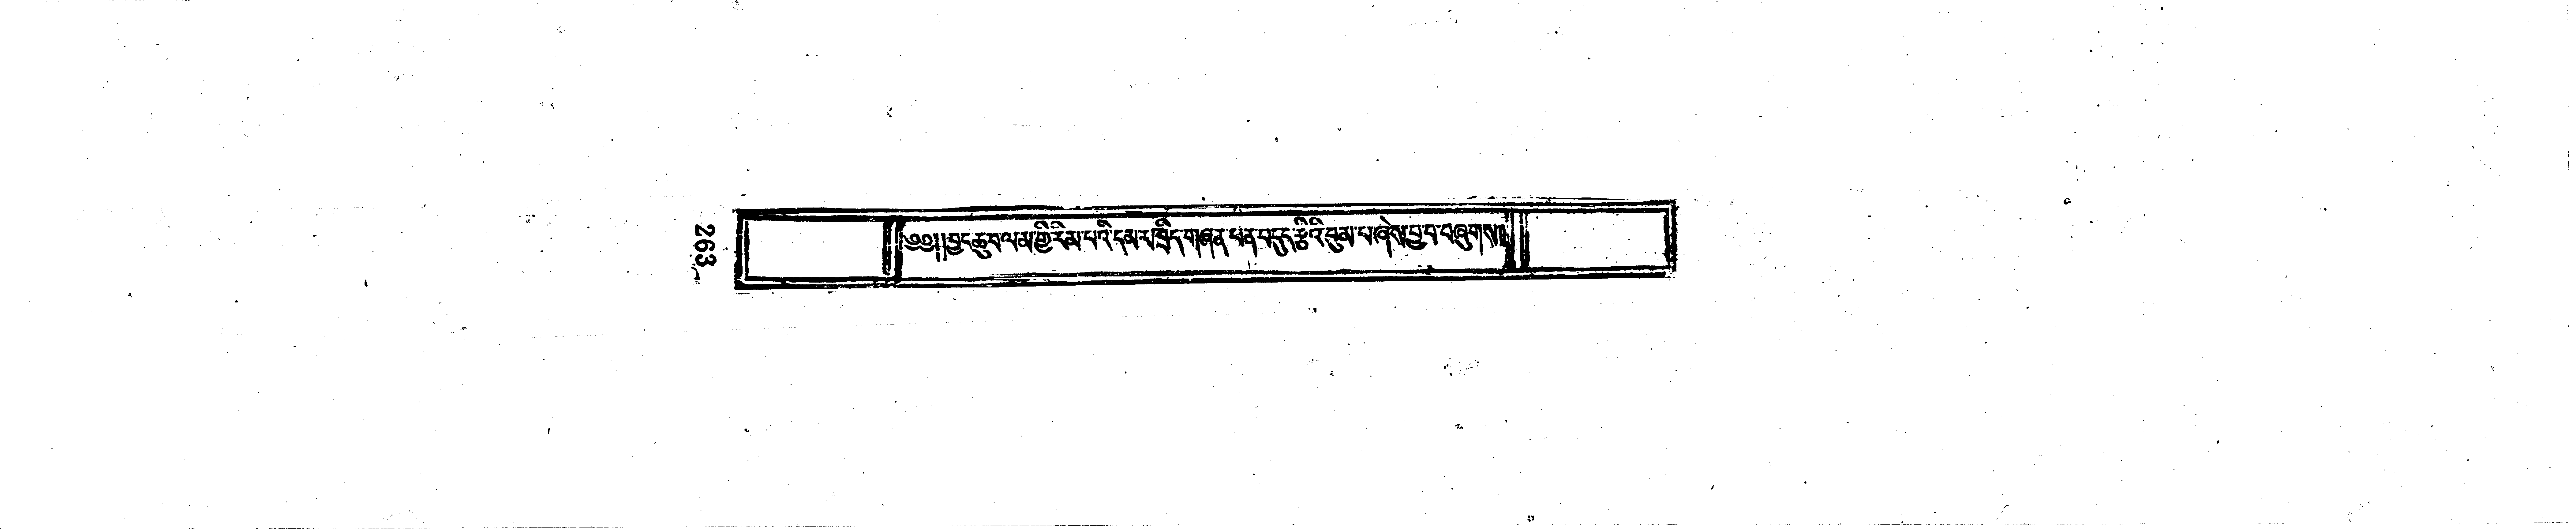༄༅། །བྱང་ཆུབ་ལམ་གྱི་རིམ་པའི་དམར་ཁྲིད་གཞན་ཕན་བདུད་རྩིའི་བུམ་པ་ཞེས་བྱ་བ་བཞུགས།།